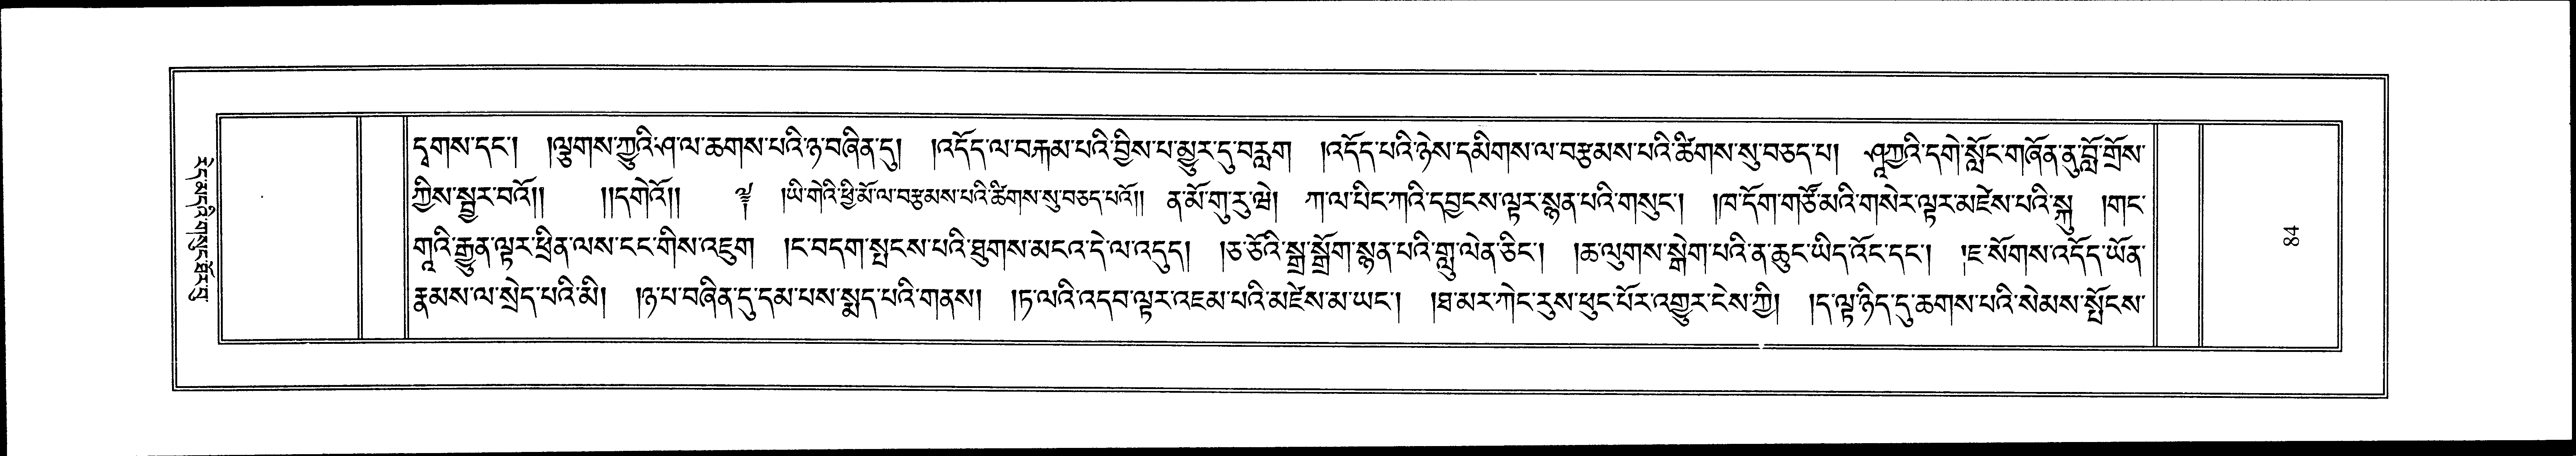དྭགས་དང་། །ལྕགས་ཀྱུའི་ཤ་ལ་ཆགས་པའི་ཉ་བཞིན་དུ། །འདོད་ལ་བརྐམ་པའི་བྱིས་པ་མྱུར་དུ་བརླག །འདོད་པའི་ཉེས་དམིགས་ལ་བརྩམས་པའི་ཚིགས་སུ་བཅད་པ། ཤཱཀྱའི་དགེ་སློང་གཞོན་ནུ་བློ་གྲོས་
ཀྱིས་སྦྱར་བའོ།། །།དགེའོ།། ༈ །ཡི་གེའི་ཕྱི་མོ་ལ་བརྩམས་པའི་ཚིགས་སུ་བཅད་པའོ། །ན་མོ་གུ་རུ་ཝེ། ཀ་ལ་པིང་ཀའི་དབྱངས་ལྟར་སྙན་པའི་གསུང་། །ཁ་དོག་གཙོ་མའི་གསེར་ལྟར་མཛེས་པའི་སྐུ །གང་
གཱའི་རྒྱུན་ལྟར་ཕྲིན་ལས་ངང་གིས་འཇུག །ང་བདག་སྤངས་པའི་ཐུགས་མངའ་དེ་ལ་འདུད། །ཅ་ཅོའི་སྒྲ་སྒྲོག་སྙན་པའི་གླུ་ལེན་ཅིང་། །ཆ་ལུགས་སྒེག་པའི་ན་ཆུང་ཡིད་འོང་དང་། །ཇ་སོགས་འདོད་ཡོན་
རྣམས་ལ་སྲེད་པའི་མི། །ཉ་པ་བཞིན་དུ་དམ་པས་སྨད་པའི་གནས། །ཏ་ལའི་འདབ་ལྟར་འཇམ་པའི་མཛེས་མ་ཡང་། །ཐ་མར་ཀེང་རུས་ཕུང་པོར་འགྱུར་ངེས་ཀྱི། །ད་ལྟ་ཉིད་དུ་ཆགས་པའི་སེམས་སྤོངས་